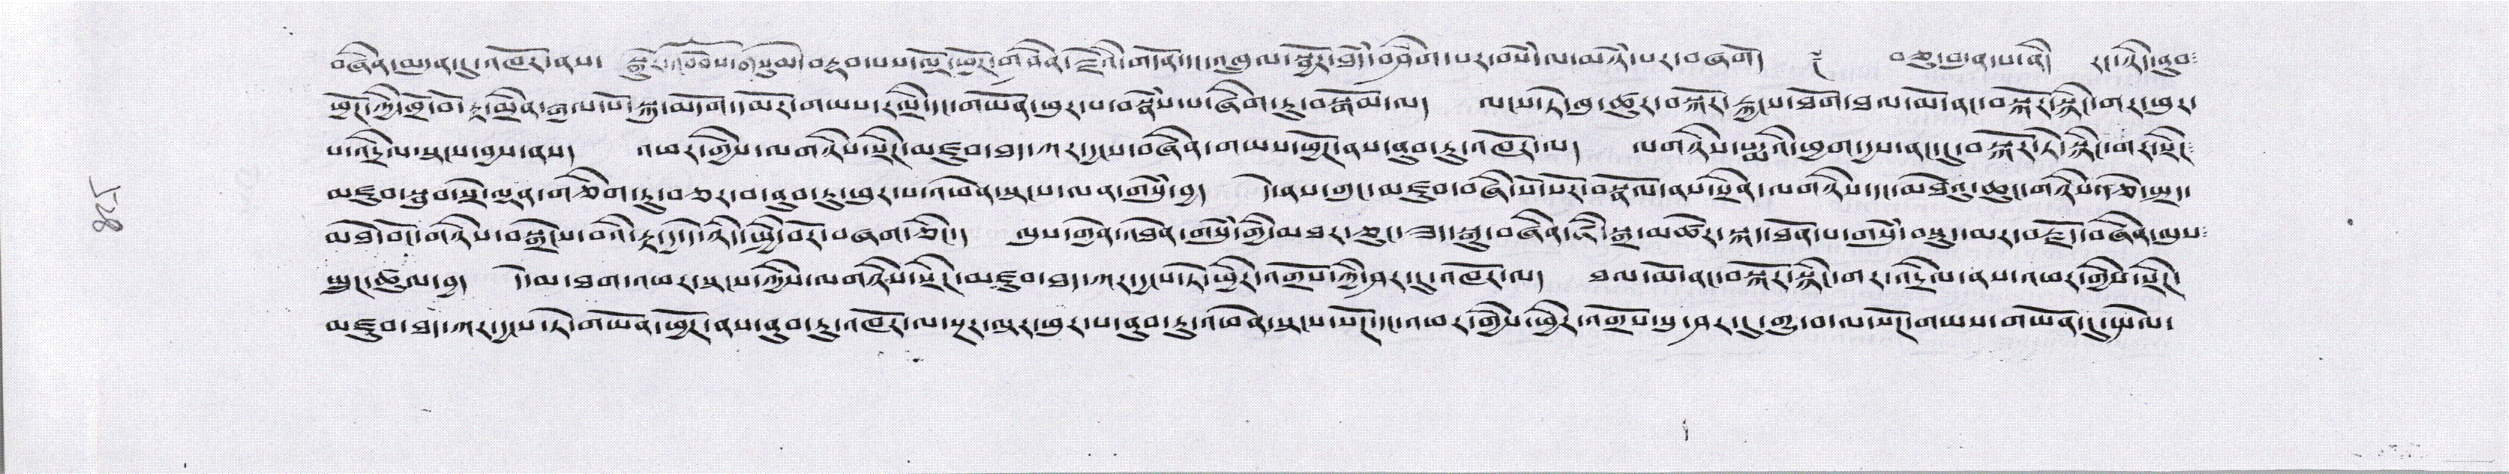བཞིན་མདུན་དུ་འཁོར་ནས་༼སྒྱུར་འབེབས་གསུམ་༽བརྡབ་པས་ལྷོ་ཕྱོགས་གཤིན་རྗེའི་གདོན་དང་འཁྲུལ་སྦྱོར་ཐམས་ཅད་བཤིགས་པར་བསམ་ལ་མཉམ་པར་བཞག་གོ ༧ བཅུ་བདུན་པ་ནི། རང་ཉིད་ནུབ་
ཕྱོགས་ཀྱི་ཁྲོ་བོ་རྟ་མགྲིན་རྒྱལ་པོ་སྐུ་མདོག་དམར་པོ་གཡས་རལ་གྲི་དང་གཡོན་ཕུར་པ་བསྣམས་པ་ཞིག་ཏུ་བསྒོམ་ལ། ལངས་ཏེ་ཁུ་ཚུར་བསྐོར་རྒྱངས་ཐོག་ཐལ་མོ་ནང་བསྐོར་ཏེ་སྙིང་གར་ཕུར་
པ་འདྲིལ་སྟངས་བྱས་ནས། འཕར་གྱིས་ལག་གཉིས་སྡིགས་མཛུབ་ཐད་ཀར་རྒྱངས་བཞིན་གཡས་ཕྱོགས་ནས་ནུབ་ཏུ་འཁོར་ལ། ལག་གཉིས་པད་མའི་ཕྱག་རྒྱས་ནང་དུ་བསྐོར་ཏེ་སྙིང་གར་སྡིགས་
མཛུབ་སྦུབ་སྟེ་ལྷན་ཅིག་ཏུ་བཅར་བ་ནུབ་ཏུ་ཕུར་པ་འཕེན་སྟངས་ལན་གསུམ་བྱ། དེ་ནས་གུང་མཛུབ་བཞི་སོ་སོར་བསྣོལ་ནས་སྲིན་ལག་བཞི་གཉིས་དང་མཐེའུ་ཆུང་གཉིས་རྩེ་སྤྲད། 
མཐེ་བོང་གཉིས་སྦྲེང་བའི་རྟ་རྒྱ་དེ་ཉིད་སྤྱི་བོར་བཞག་ཅིང་ལུས་གྱེན་འཐེན་གསུམ་གྱི་མཐར་ཅུང་ཟད་སྒུ་བཞིན་ཧི་སྒྲ་འཚེར་སྐད་ཐོན་པ་གསུམ་བསྟུད་མར་བརྗོད་བཞིན་ལུས་
སྤྲུགས་ཚུལ་བྱ། དེ་མ་ཐག་འཕར་སྟངས་ཀྱིས་ལག་གཉིས་སྡིགས་མཛུབ་ཐད་ཀར་རྒྱངས་ཏེ་ཕྱིར་འགྲོས་ཀྱིས་ཤར་དུ་འཁོར་ལ་ཐལ་མོ་ནང་བསྐོར་སྙིང་གར་འདྲིལ་ནས་འཕར་གྱིས་སྡིགས་
མཛུབ་ཐད་ཀར་རྒྱངས་ཏེ་གཡོན་ཕྱོགས་ནས་ནུབ་ཏུ་འཁོར་ལ་སྔར་ལྟར་ཕུར་པ་ནུབ་ཏུ་འཕེན་སྟངས་སོགས་དང་འཕར་གྱིས་ཕྱིར་འགྲོས་སུ་ཤར་དུ་གྱུ་བ་ལ་སོགས་གཡས་གཡོན་དུ་སྤེལ་